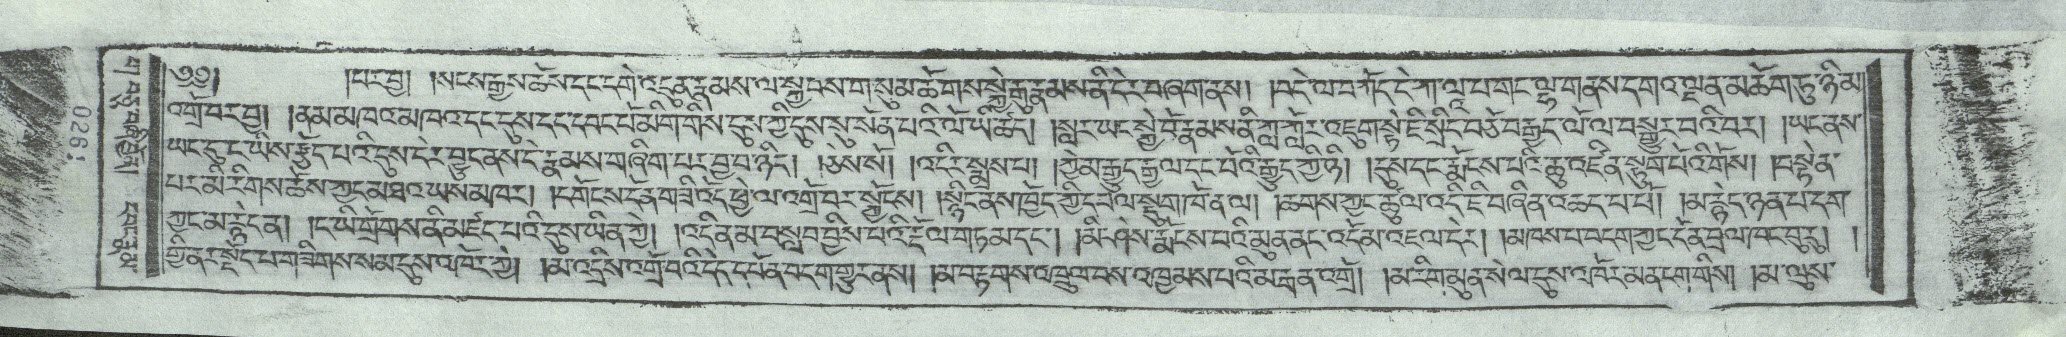༄༅། །པར་བྱ། །སངས་རྒྱས་ཆོས་དང་དགེ་འདུན་རྣམས་ལ་སྐྱབས་གསུམ་ཚོགས་སྐྱེ་རྒུ་རྣམས་ནི་ངེར་བཞག་ནས། །བདེ་ལ་བཀོད་དེ་ཀ་ལཱ་པ་གང་ལྷ་གནས་དགའ་ལྡན་མཆོག་ཏུ་ཉི་མ་
འགྲོ་བར་བྱ། །ནམ་མཁའ་མཁའ་དང་དུས་དང་དབང་པོ་མིག་གིས་དུས་ཀྱི་དུས་སུ་སོན་པའི་ལོ་ཡི་ཚད། །སླར་ཡང་སྐྱེ་བོ་རྣམས་ནི་ཀླ་ཀློར་འཇུག་སྟེ་ཇི་སྲིད་བཅོ་བརྒྱད་ལོ་ལ་བསྒྱུར་བའི་བར། །ཡང་ནས་
ཡང་དུ་ང་ཡིས་རྩོད་པའི་དུས་དེར་བྱུང་ནས་དེ་རྣམས་གཞིག་པར་བྱ་བ་ཉིད། །ཅེས་སོ། །འདིར་སྨྲས་པ། །ཀྱེ་མ་རྒྱུད་རྒྱལ་དང་པོའི་རྒྱུད་ཀྱི་ཉི། །དུས་དང་རྨོངས་པའི་ཆུ་འཛིན་སྟུག་པོའི་གོས། །བསྟེན་
པར་མི་རིགས་ཆོས་ཀྱང་མཐའ་ཡས་མཁར། །དགོངས་དོན་གཟི་འོད་ཕྱེ་ལ་འགྲོ་བར་སྐྱོངས། །སྙིང་ནས་ཁྱོད་ཀྱི་དཔལ་སྡུག་ཁོ་ན་ལ། །ཆགས་ཀྱང་ཚུལ་འདི་ཇི་བཞིན་འཆད་པ་པོ། །མ་རྙེད་ཉན་པ་དག་
ཀྱང་མ་རྙེད་ན། །ང་ཡི་གྲོགས་ནི་མཛད་པའི་དུས་ཡིན་ཀྱེ། །འདི་ན་མ་བསླབ་བྱིས་པའི་རྡོལ་གཏམ་དང་། །མི་ཤེས་རྨོངས་པའི་མུན་ནང་འདོམ་འཇལ་དེར། །མཁས་པ་བདག་ཀྱང་དོན་བྲལ་ཁང་བུ་རུ། །
གྱི་ནར་སྡོད་པ་གཟིགས་སམ་དུས་འཁོར་ཀྱེ། །མ་འདྲིས་འགྲོ་བའི་དེད་དཔོན་བདག་གྱུར་ནས། །མ་བརྟགས་འཁྲུལ་བས་འཁྱམས་པའི་མ་རྒན་འགྲོ། །མ་རིག་མུན་སེལ་དུས་འཁོར་མན་ངག་གིས། །མ་ལུས་